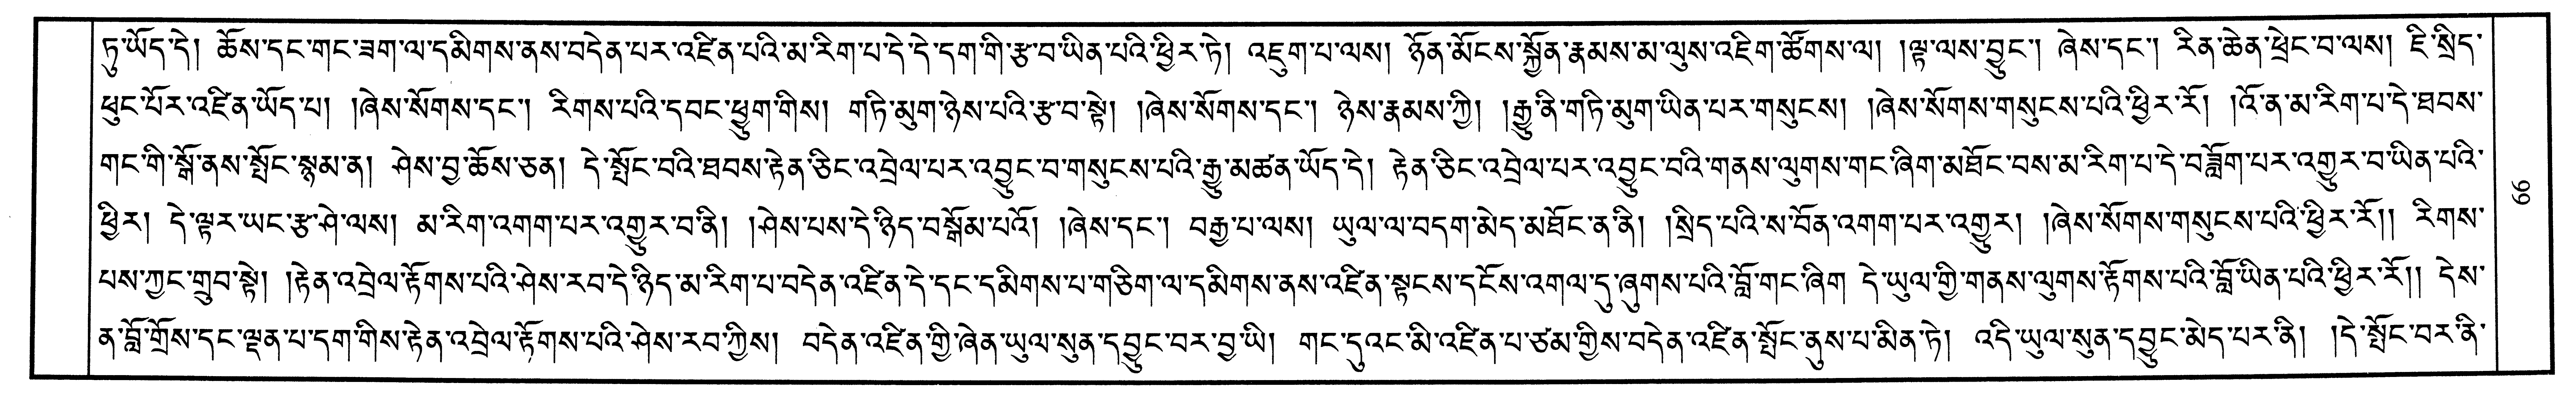ཏུ་ཡོད་དེ། ཆོས་དང་གང་ཟག་ལ་དམིགས་ནས་བདེན་པར་འཛིན་པའི་མ་རིག་པ་དེ་དེ་དག་གི་རྩ་བ་ཡིན་པའི་ཕྱིར་ཏེ། འཇུག་པ་ལས། ཉོན་མོངས་སྐྱོན་རྣམས་མ་ལུས་འཇིག་ཚོགས་ལ། །ལྟ་ལས་བྱུང་། ཞེས་དང་། རིན་ཆེན་ཕྲེང་བ་ལས། ཇི་སྲིད་
ཕུང་པོར་འཛིན་ཡོད་པ། །ཞེས་སོགས་དང་། རིགས་པའི་དབང་ཕྱུག་གིས། གཏི་མུག་ཉེས་པའི་རྩ་བ་སྟེ། །ཞེས་སོགས་དང་། ཉེས་རྣམས་ཀྱི། །རྒྱུ་ནི་གཏི་མུག་ཡིན་པར་གསུངས། །ཞེས་སོགས་གསུངས་པའི་ཕྱིར་རོ། །འོ་ན་མ་རིག་པ་དེ་ཐབས་
གང་གི་སྒོ་ནས་སྤོང་སྙམ་ན། ཤེས་བྱ་ཆོས་ཅན། དེ་སྤོང་བའི་ཐབས་རྟེན་ཅིང་འབྲེལ་པར་འབྱུང་བ་གསུངས་པའི་རྒྱུ་མཚན་ཡོད་དེ། རྟེན་ཅིང་འབྲེལ་པར་འབྱུང་བའི་གནས་ལུགས་གང་ཞིག་མཐོང་བས་མ་རིག་པ་དེ་བཟློག་པར་འགྱུར་བ་ཡིན་པའི་
ཕྱིར། དེ་ལྟར་ཡང་རྩ་ཤེ་ལས། མ་རིག་འགག་པར་འགྱུར་བ་ནི། །ཤེས་པས་དེ་ཉིད་བསྒོམ་པའོ། །ཞེས་དང་། བརྒྱ་པ་ལས། ཡུལ་ལ་བདག་མེད་མཐོང་ན་ནི། །སྲིད་པའི་ས་བོན་འགག་པར་འགྱུར། །ཞེས་སོགས་གསུངས་པའི་ཕྱིར་རོ།། རིགས་
པས་ཀྱང་གྲུབ་སྟེ། །རྟེན་འབྲེལ་རྟོགས་པའི་ཤེས་རབ་དེ་ཉིད་མ་རིག་པ་བདེན་འཛིན་དེ་དང་དམིགས་པ་གཅིག་ལ་དམིགས་ནས་འཛིན་སྟངས་དངོས་འགལ་དུ་ཞུགས་པའི་བློ་གང་ཞིག །དེ་ཡུལ་གྱི་གནས་ལུགས་རྟོགས་པའི་བློ་ཡིན་པའི་ཕྱིར་རོ།། དེས་
ན་བློ་གྲོས་དང་ལྡན་པ་དག་གིས་རྟེན་འབྲེལ་རྟོགས་པའི་ཤེས་རབ་ཀྱིས། བདེན་འཛིན་གྱི་ཞེན་ཡུལ་སུན་དབྱུང་བར་བྱ་ཡི། གང་དུའང་མི་འཛིན་པ་ཙམ་གྱིས་བདེན་འཛིན་སྤོང་ནུས་པ་མིན་ཏེ། འདི་ཡུལ་སུན་དབྱུང་མེད་པར་ནི། །དེ་སྤོང་བར་ནི་